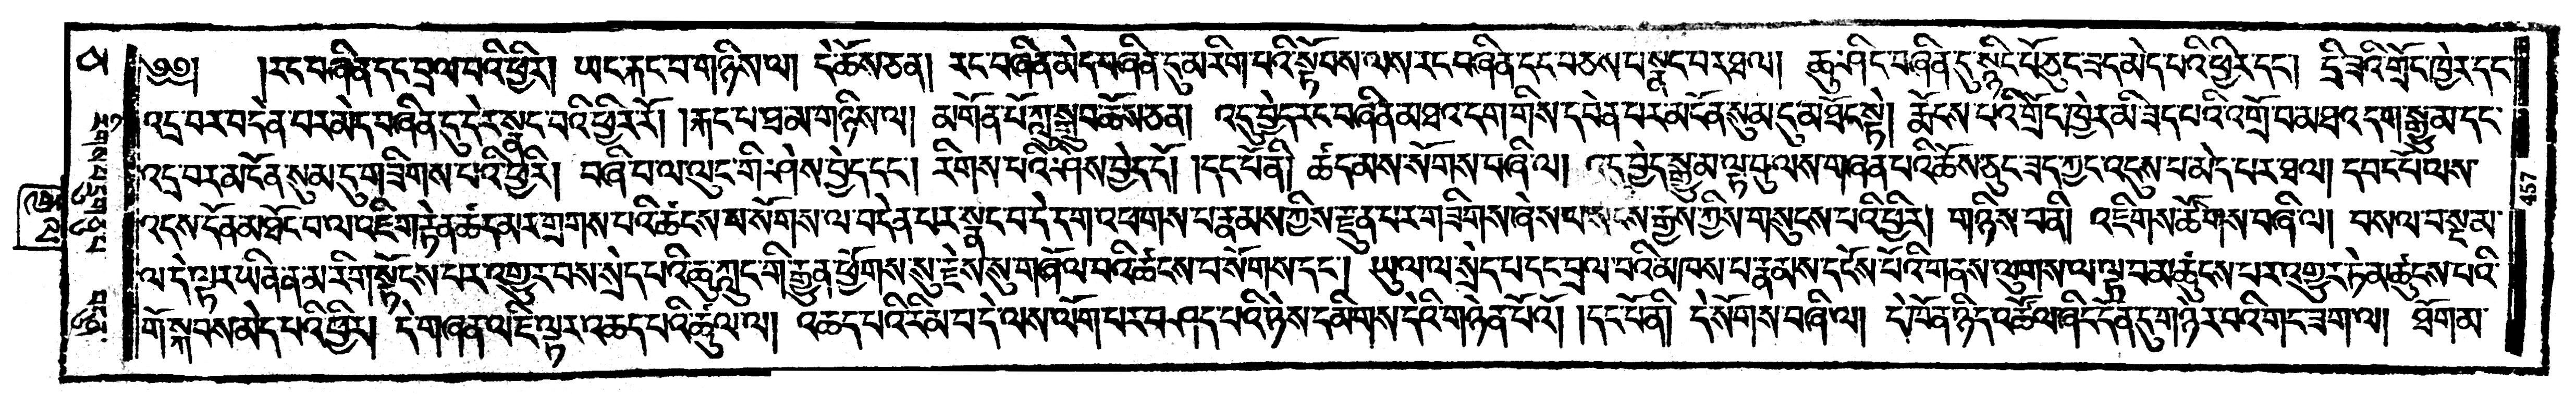༄༅། །རང་བཞིན་དང་བྲལ་བའི་ཕྱིར། ཡང་རྐང་པ་གཉིས་ལ། དེ་ཆོས་ཅན། རང་བཞིན་མེད་བཞིན་དུ་མ་རིག་པའི་སྟོབས་ལས་རང་བཞིན་དང་བཅས་པ་སྣང་བར་ཐལ། ཆུ་ཤིང་བཞིན་དུ་སྙིང་པོ་ཅུང་ཟད་མེད་པའི་ཕྱིར་དང་། དྲི་ཟའི་གྲོང་ཁྱེར་དང་
འདྲ་བར་བདེན་པར་མེད་བཞིན་དུ་དེར་སྣང་བའི་ཕྱིར་རོ། །རྐང་པ་ཐ་མ་གཉིས་ལ། མགོན་པོ་ཀླུ་སྒྲུབ་ཆོས་ཅན། འདུ་བྱེད་རང་བཞིན་མཐའ་དག་གིས་དབེན་པར་མངོན་སུམ་དུ་མཐོང་སྟེ། རྨོངས་པའི་གྲོང་ཁྱེར་མི་ཟད་པའི་འགྲོ་བ་མཐའ་དག་སྒྱུ་མ་དང་
འདྲ་བར་མངོན་སུམ་དུ་གཟིགས་པའི་ཕྱིར། བཞི་པ་ལ་ལུང་གི་ཤེས་བྱེད་དང་། རིགས་པའི་ཤེས་བྱེད་དོ། །དང་པོ་ནི། ཚད་མས་སོགས་བཞི་ལ། འདུ་བྱེད་སྒྱུ་མ་ལྟ་བུ་ལས་གཞན་པའི་ཆོས་ཅུང་ཟད་ཀྱང་འདུས་པ་མེད་པར་ཐལ། དབང་པོ་ལས་
འདས་དོན་མཐོང་བ་ལ་འཇིག་རྟེན་ཚད་མར་གྲགས་པའི་ཚངས་པ་སོགས་ལ་བདེན་པར་སྣང་བ་དེ་དག་འཕགས་པ་རྣམས་ཀྱིས་རྫུན་པར་གཟིགས་ཞེས་པ་སངས་རྒྱས་ཀྱིས་གསུངས་པའི་ཕྱིར། གཉིས་པ་ནི། འཇིགས་ཚོགས་བཞི་ལ། བསལ་བ་སྔ་མ་
ལ་དེ་ལྟར་ཡིན་ན་མ་རིག་སྟོངས་པར་འགྱུར་བས་སྲེད་པའི་ཆུ་ཀླུང་གི་རྒྱུན་ཕྱོགས་སུ་རྗེས་སུ་གཞོལ་བའི་ཚངས་པ་སོགས་དང་། ཡུལ་ལ་སྲེད་པ་དང་བྲལ་བའི་མཁས་པ་རྣམས་དངོས་པོའི་གནས་ལུགས་ལ་ལྟ་བ་མཚུངས་པར་འགྱུར་ཏེ་མཚུངས་པའི་
གོ་སྐབས་མེད་པའི་ཕྱིར། དེ་གཞན་ལ་ཇི་ལྟར་འཆད་པའི་ཚུལ་ལ། འཆད་པའི་རིམ་པ་དེ་ལས་ལོག་པར་བཤད་པའི་ཉེས་དམིགས་དེའི་གཉེན་པོའོ། །དང་པོ་ནི། དེ་སོགས་བཞི་ལ། དེ་ཁོ་ན་ཉིད་འཚོལ་ཞིང་དོན་དུ་གཉེར་བའི་གང་ཟག་ལ། ཐོག་མ་